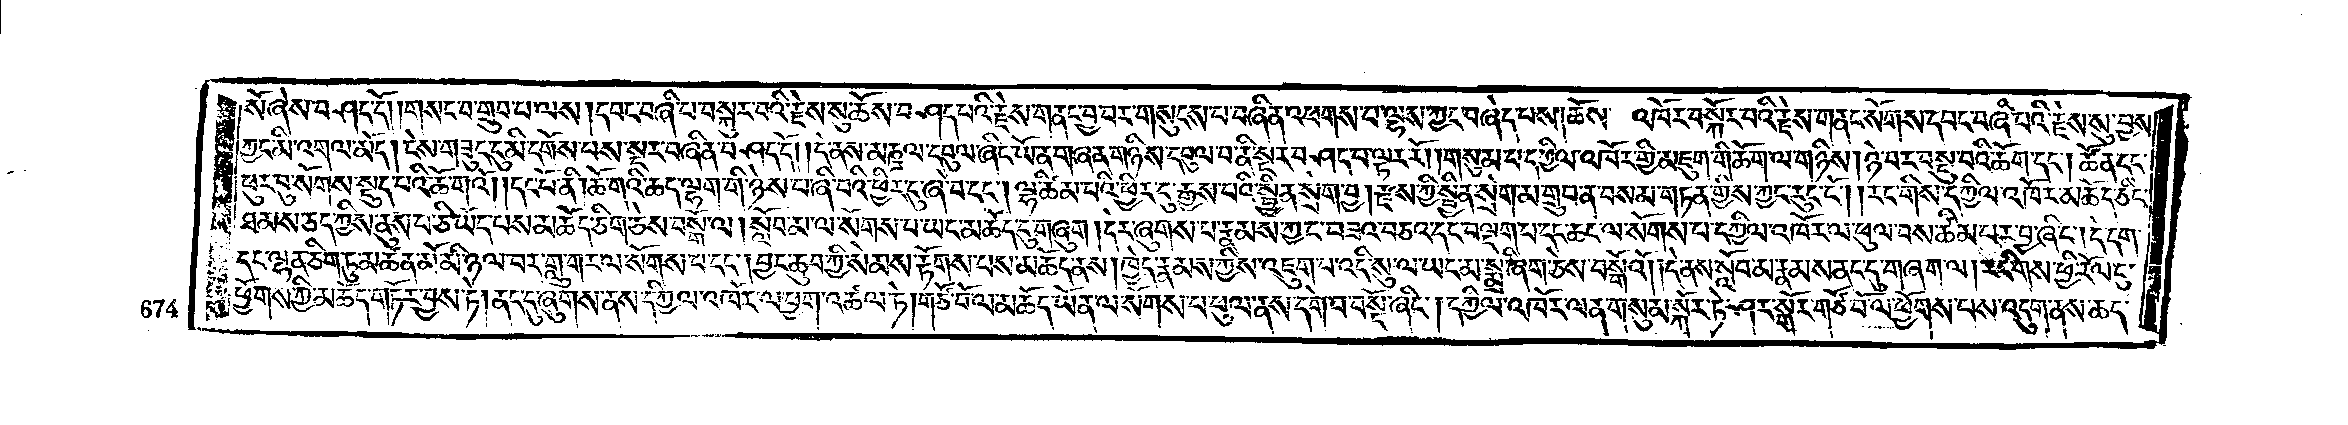སོ་ཞེས་བཤད་དོ། །གསང་བ་གྲུབ་པ་ལས། དབང་བཞི་པ་བསྐུར་བའི་རྗེས་སུ་ཆོས་བཤད་པའི་རྗེས་གནང་བྱ་བར་གསུངས་པ་བཞིན་འཕགས་པ་ལྷས་ཀྱང་བཞེད་པས། ཆོས་འཁོར་བསྐོར་བའི་རྗེས་གནང་སོགས་དབང་བཞི་པའི་རྗེས་སུ་བྱས་
ཀྱང་མི་འགལ་མོད། ངེས་གཟུང་དུ་མི་དགོས་པས་སྔར་བཞིན་བཤད་དོ། །དེ་ནས་མཎྜལ་དབུལ་ཞིང་ཡོན་གཞན་གཉིས་དབུལ་བ་ནི་སྔར་བཤད་པ་ལྟར་རོ། །གསུམ་པ་དཀྱིལ་འཁོར་གྱི་མཇུག་གི་ཆོ་ག་ལ་གཉིས། ཉེ་བར་བསྡུ་བའི་ཆོག་དང་། ཚོན་དང་
ཕུར་བུ་སོགས་སྡུད་པའི་ཆོ་གའོ། །དང་པོ་ནི། ཆོ་གའི་ཆད་ལྷག་གི་ཉེས་པ་ཞི་བའི་ཕྱིར་དུ་ཞི་བ་དང་། ལྷ་ཚིམ་པའི་ཕྱིར་དུ་རྒྱས་པའི་སྦྱིན་སྲེག་བྱ། རྫས་ཀྱི་སྦྱིན་སྲེག་མ་གྲུབ་ན་བསམ་གཏན་གྱིས་ཀྱང་རུང་ངོ། །རང་གིས་དཀྱིལ་འཁོར་མཆོད་ཅིང་
ཐམས་ཅད་ཀྱིས་ནུས་པ་ཅི་ཡོད་པས་མཆོད་ཅིག་ཅེས་བསྒོ་ལ། སློབ་མ་ལ་སོགས་པ་ཡང་མཆོད་དུ་གཞུག །དེར་ཞུགས་པ་རྣམས་ཀྱང་བཟའ་བཅའ་དང་བལྡག་པ་དང་ཆང་ལ་སོགས་པ་དཀྱིལ་འཁོར་ལ་ཕུལ་བས་ཚིམ་པར་བྱ་ཞིང་། དེ་དག་
དང་ལྷན་ཅིག་ཏུ་མཚན་མོ་མི་ཉལ་བར་གླུ་གར་ལ་སོགས་པ་དང་། བྱང་ཆུབ་ཀྱི་སེམས་རྟོགས་པས་མཆོད་ནས། ཁྱེད་རྣམས་ཀྱིས་འཇུག་པ་འདི་སུ་ལ་ཡང་མ་སྨྲ་ཞིག་ཅེས་བསྒོའོ། །དེ་ནས་སློབ་མ་རྣམས་ནང་དུ་གཞག་ལ། རང་གིས་ཕྱི་རོལ་དུ་
ཕྱོགས་ཀྱི་མཆོད་གཏོར་བྱས་ཏེ། ནང་དུ་ཞུགས་ནས་དཀྱིལ་འཁོར་ལ་ཕྱག་འཚལ་ཏེ། གཙོ་བོ་ལ་མཆོད་ཡོན་ལ་སོགས་པ་ཕུལ་ནས་དགེ་བ་བསྔོ་ཞིང་། དཀྱིལ་འཁོར་ལན་གསུམ་སྐོར་ཏེ་ཤར་སྒོར་གཙོ་བོ་ལ་ཕྱོགས་པས་འདུག་ནས་ཆད་